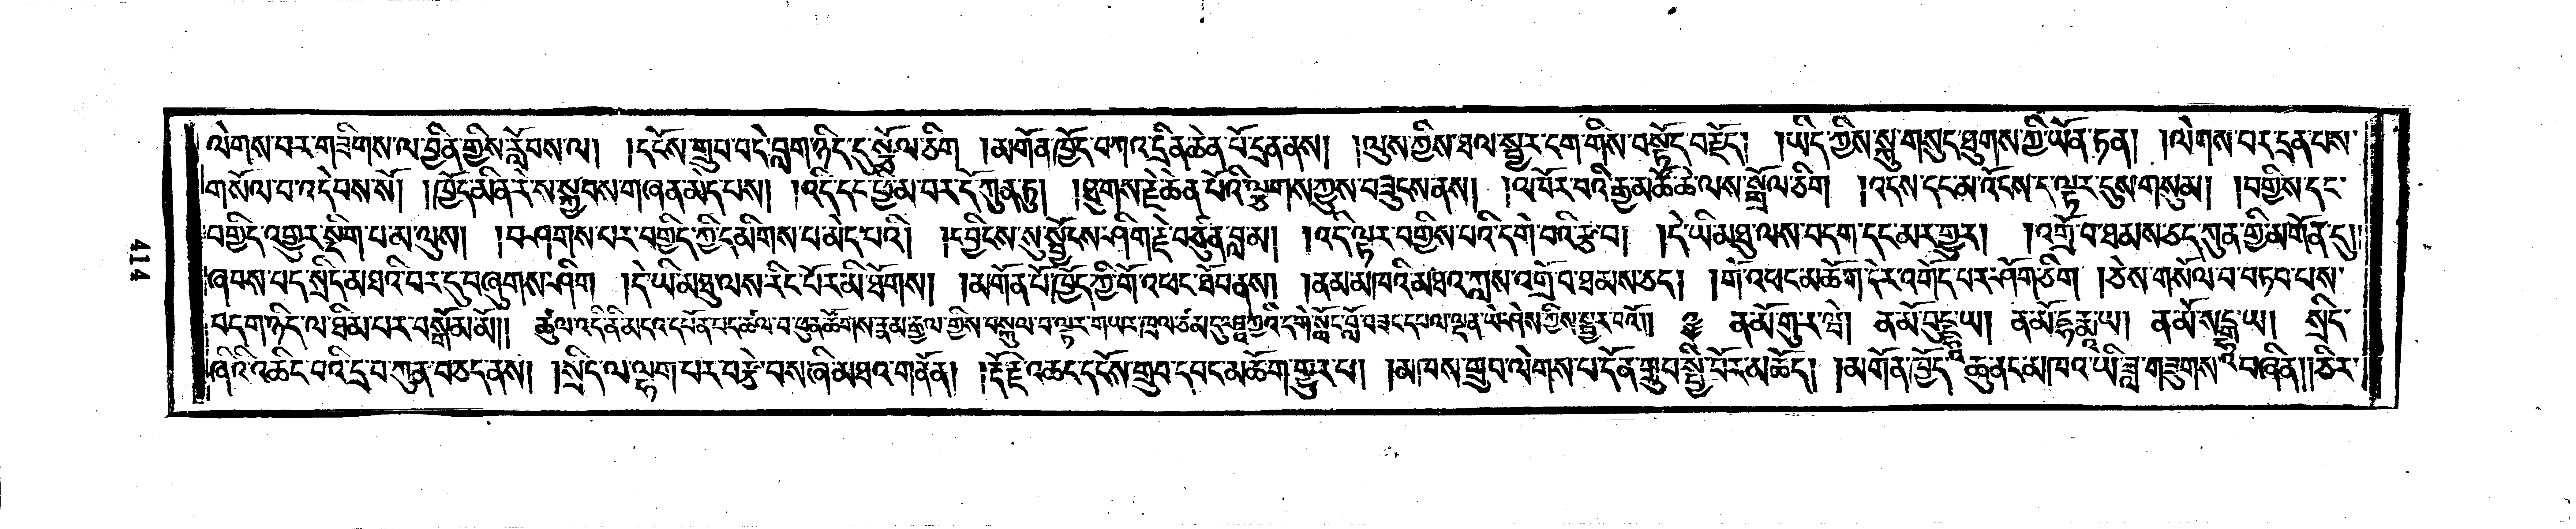ལེགས་བར་གཟིགས་ལ་བྱིན་གྱིས་རློབས་ལ། །དངོས་གྲུབ་བདེ་བླག་ཉིད་དུ་སྩོལ་ཅིག །མགོན་ཁྱོད་བཀའ་དྲིན་ཆེན་པོ་དྲན་ནས། །ལུས་ཀྱིས་ཐལ་སྦྱར་དག་གིས་བསྟོད་བརྗོད། །ཡིད་ཀྱིས་སྐུ་གསུང་ཐུགས་ཀྱི་ཡོན་ཏན། །ལེགས་པར་དྲན་པས་
གསོལ་བ་འདེབས་སོ། །ཁྱོད་མིན་རེ་ས་སྐྱབས་གཞན་མེད་པས། །འདི་དང་ཕྱི་མ་བར་དོ་ཀུན་ཏུ། །ཐུགས་རྗེ་ཆེན་པོའི་ལྕགས་ཀྱུས་བཟུངས་ནས། །འཁོར་བའི་རྒྱ་མཚོ་ཆེ་ལས་སྒྲོལ་ཅིག །འདས་དང་མ་འོངས་ད་ལྟར་དུས་གསུམ། །བགྱིས་དང་
བགྱིད་འགྱུར་སྡིག་པ་མ་ལུས། །བཤགས་པར་བགྱིད་ཀྱི་དམིགས་པ་མེད་པའི། །དབྱིངས་སུ་སྦྱོངས་ཤིག་རྗེ་བཙུན་བླ་མ། །འདི་ལྟར་བགྱིས་པའི་དགེ་བའི་རྩ་བ། །དེ་ཡི་མཐུ་ལས་བདག་དང་མར་གྱུར། །འགྲོ་བ་ཐམས་ཅད་ཀུན་གྱི་མགོན་དུ།།
ཞབས་པད་སྲིད་མཐའ་བར་དུ་བཞུགས་ཤིག །དེ་ཡི་ཐུས་ལས་རིང་པོར་མི་ཐོགས། །མགོན་པོ་ཁྱོད་ཀྱི་གོ་འཕང་ཐོབ་ནས། །ནམ་མཁའི་མཐའ་ཀླས་འགྲོ་བ་ཐམས་ཅད། །གོ་འཕང་མཆོག་དེར་འགོད་པར་ཤོག་ཅིག །ཅེས་གསོལ་བ་བཏབ་པས་
བདག་ཉིད་ལ་ཐིམ་པར་བསྒོམ་མོ།། ཚུལ་འདི་ནི་མངའ་དཔོན་པད་ཚལ་བ་ཕུན་ཚོགས་རྣམ་རྒྱལ་གྱིས་བསྐུལ་བ་ལྟར་གཡར་ཁྲལ་ཙམ་དུ་༧་ཤཱཀྱའི་དགེ་སློང་བློ་བཟང་དཔལ་ལྡན་ཡེ་ཤེས་ཀྱིས་སྦྱར་བའོ།། ༈ ན་མོ་གུ་ར་ཝེ། ན་མོ་བུདྡྷཱ་ཡ། ན་མོ་དྷརྨཱ་ཡ། ན་མོ་སངྒྷཱ་ཡ། སྲིད་
ཞིའི་འཆིང་བའི་དྲ་བ་ཀུན་བཅད་ནས། །སྲིད་ལ་ལྷག་པར་བརྩེ་བས་ཞི་མཐའ་གནོན། །རྡོ་རྗེ་འཆང་དངོས་གྲུབ་དབང་མཆོག་གྱུར་པ། །མཁས་གྲུབ་ལེགས་པ་དོན་གྲུབ་སྦྱི་བོར་མཆོད། །མགོན་ཁྱོད་ཆུ་ནང་མཁའ་ཡི་ཟླ་གཟུགས་བཞིན། །ཅིར་